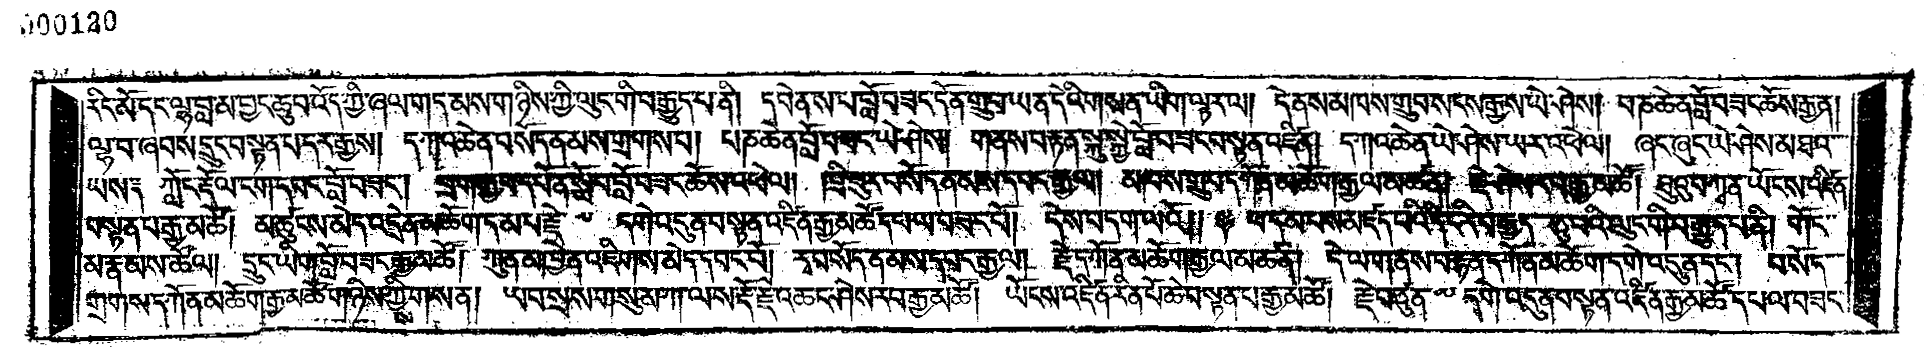རིང་མོ་དང་ལྷ་བླ་མ་བྱང་ཆུབ་འོད་ཀྱི་ཞལ་གདམས་གཉིས་ཀྱི་ལུང་གི་བརྒྱུད་པ་ནི། དབེན་ས་པ་བློ་བཟང་དོན་གྲུབ་ཡན་དེའི་གསན་ཡིག་ལྟར་ལ། དེ་ནས་མཁས་གྲུབ་སངས་རྒྱས་ཡེ་ཤེས། པཎ་ཆེན་བློ་བཟང་ཆོས་རྒྱན།
ལྷ་བ་ཞབས་དྲུང་བསྟན་པ་དར་རྒྱས། དཀའ་ཆེན་བསོད་ནམས་གྲགས་པ། པཎ་ཆེན་བློ་བཟང་ཡེ་ཤེས། གནས་བརྟན་སྐུ་སྐྱེ་བློ་བཟང་བསྟན་འཛིན། དཀའ་ཆེན་ཡེ་ཤེས་ཡར་འཕེལ། ཞང་ཞུང་ཡེ་ཤེས་མཐའ་
ཡས༑ ཀློང་རྡོལ་ངག་དབང་བློ་བཟང་། བྲག་རྒྱབ་དཔོན་སློབ་བློ་བཟང་ཆོས་འཕེལ། ཁྲི་ཟུར་བསོད་ནམས་དབང་རྒྱལ། མཁས་གྲུབ་དཀོན་མཆོག་རྒྱལ་མཚན། རྗེ་ཤེས་རབ་རྒྱ་མཚོ། ཐུའུ་བཀྭན་ཡོངས་འཛིན་
བསྟན་པ་རྒྱ་མཚོ། མཚུངས་མེད་འདྲེན་མཆོག་དམ་པ་རྗེ་དགེ་འདུན་བསྟན་འཛིན་རྒྱ་མཚོ་དཔལ་བཟང་པོ། དེས་བདག་ལའོ།། ༈ ཕ་དམ་པས་མཛད་པའི་དིང་རི་བརྒྱད་ཅུ་པའི་ལུང་གི་བརྒྱུད་པ་ནི། གོང་
མ་རྣམས་ཚོལ། དྲུང་ཡིག་བློ་བཟང་རྒྱ་མཚོ། ཀུན་མཁྱེན་འཇིགས་མེད་དབང་པོ། རྭ་བསོད་ནམས་དབང་རྒྱལ། རྗེ་དཀོན་མཆོག་རྒྱལ་མཚན། དེ་ལ་གནས་བརྟན་དཀོན་མཆོག་དགེ་འདུན་དང་། བསོད་
གྲགས་དཀོན་མཆོག་རྒྱ་མཚོ་གཉིས་ཀྱིས་གསན། ཡབ་སྲས་གསུམ་ཀ་ལས་རྡོ་རྗེ་འཆང་ཤེས་རབ་རྒྱ་མཚོ། ཡོངས་འཛིན་རིན་པོ་ཆེ་བསྟན་པ་རྒྱ་མཚོ། རྗེ་བཙུན ༧་དགེ་འདུན་བསྟན་འཛིན་རྒྱ་མཚོ་དཔལ་བཟང་